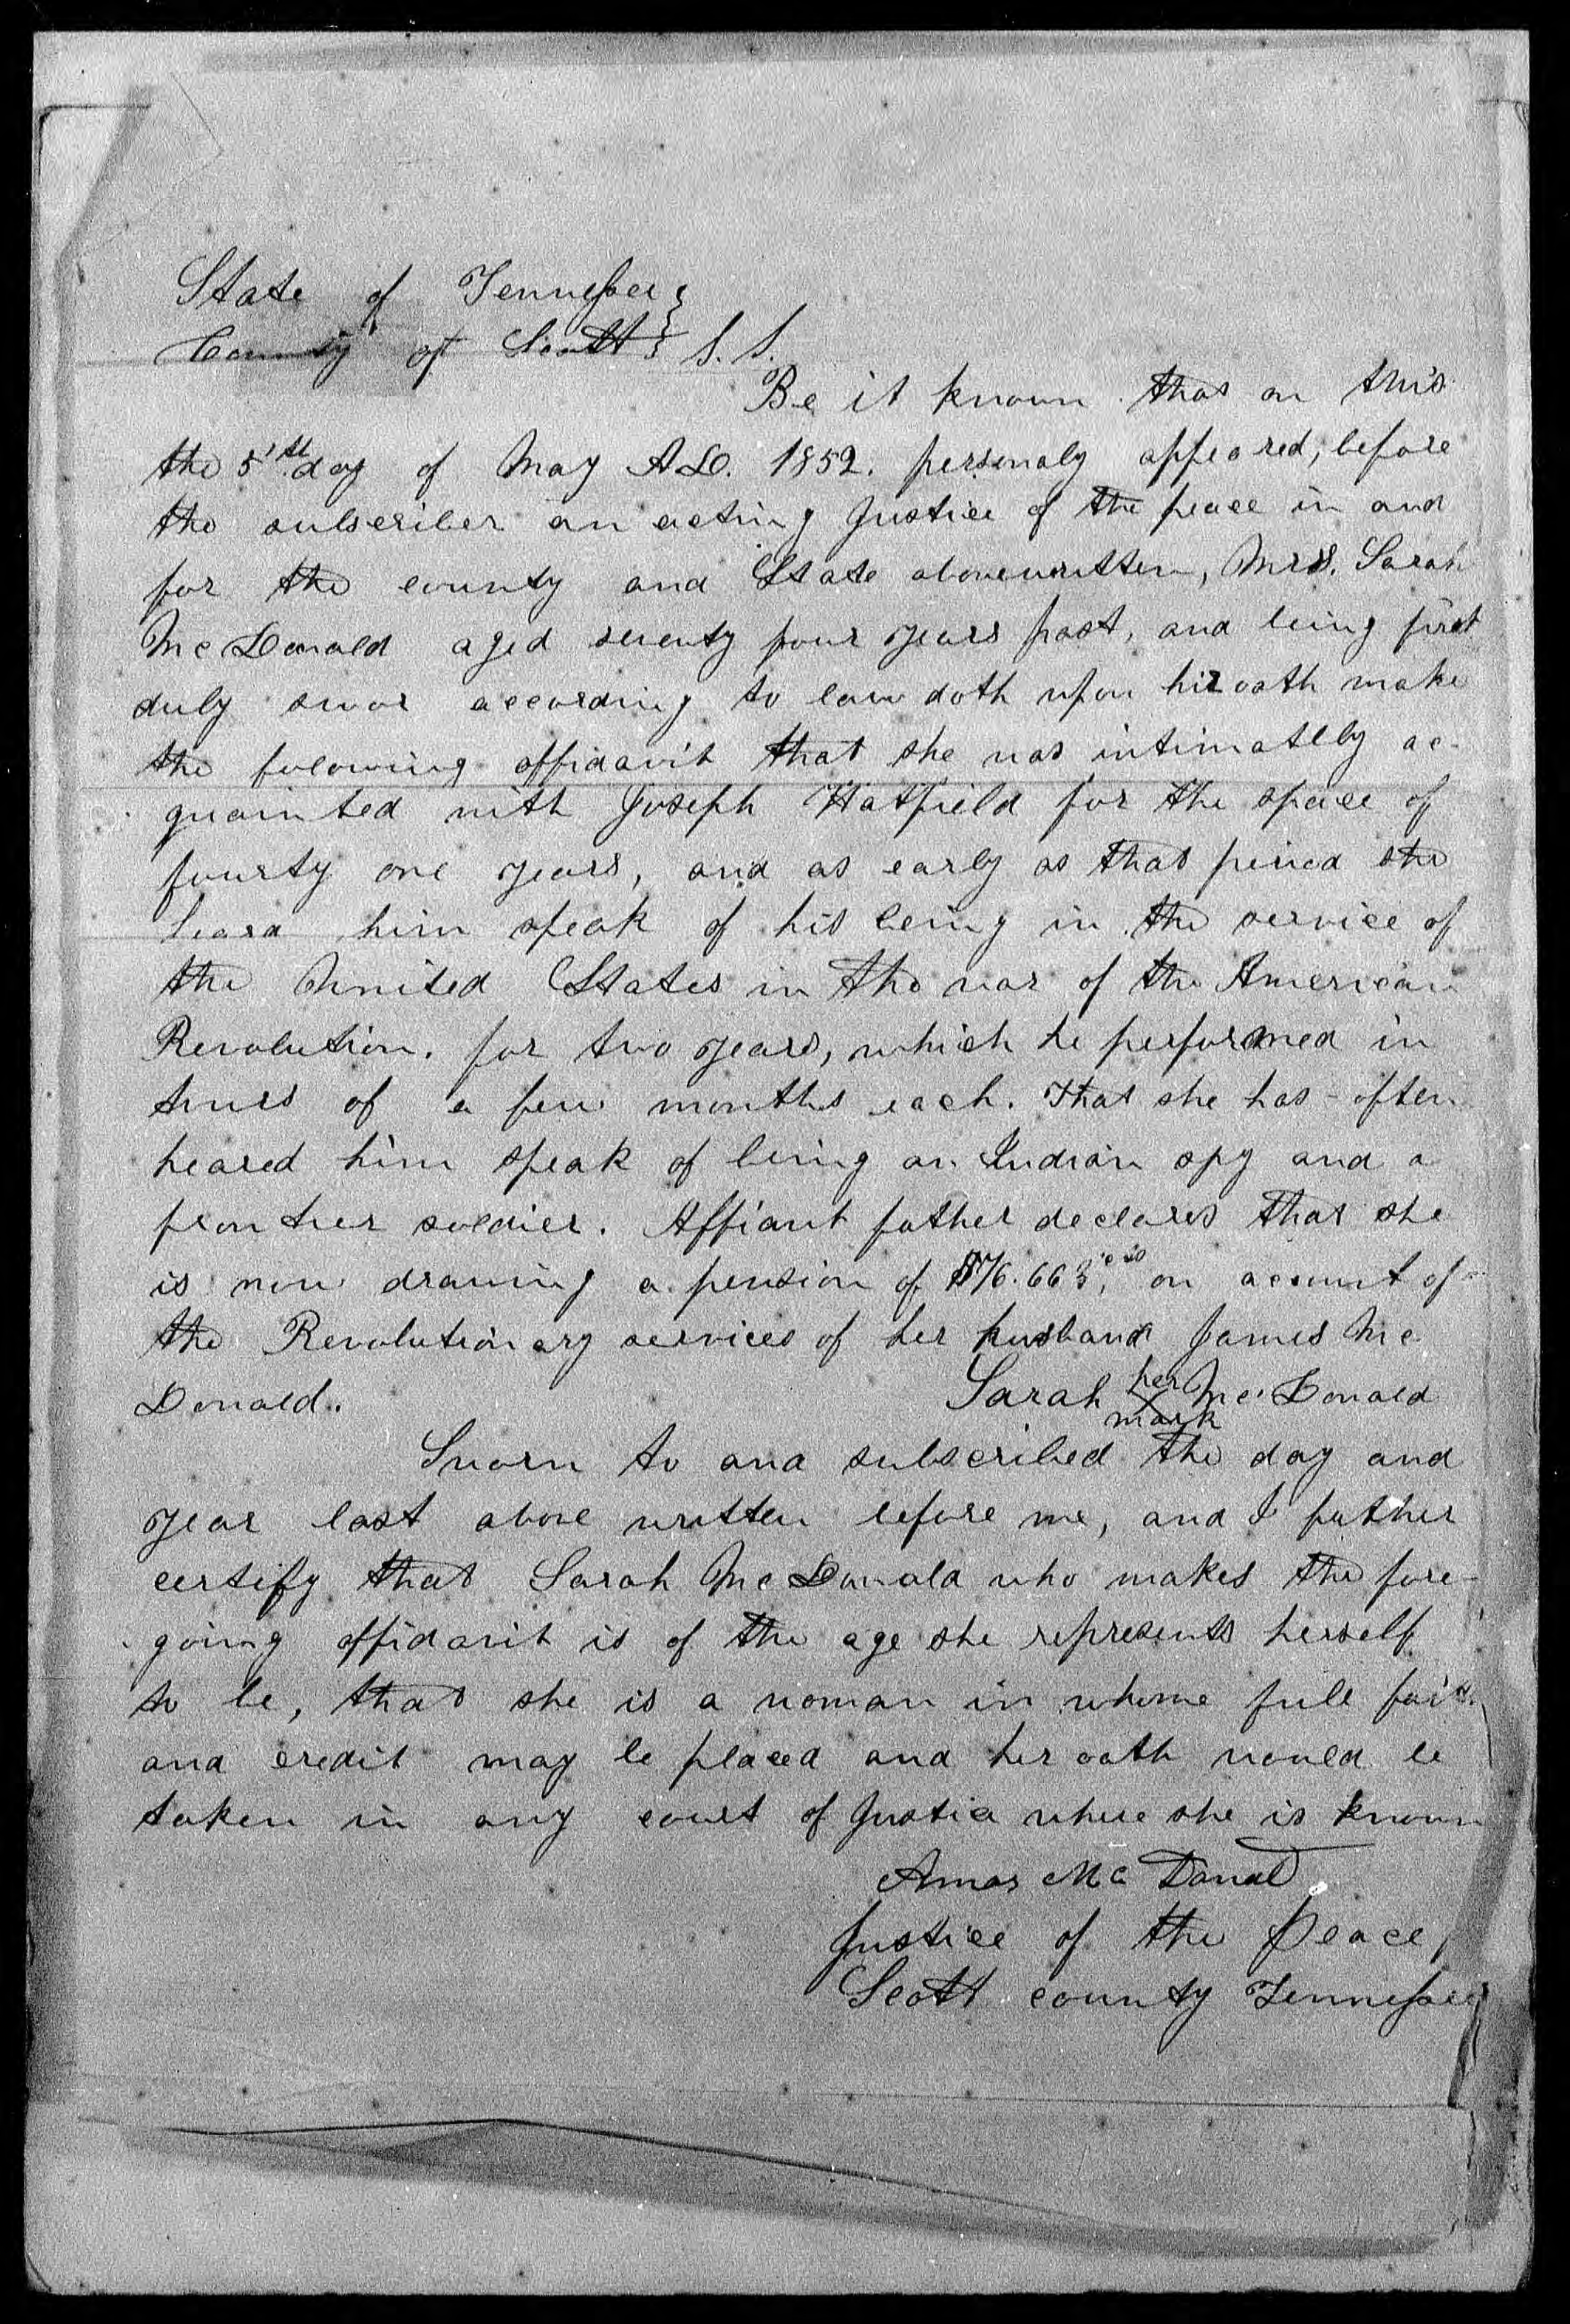State of Tennessee
County of Scott} S.S.
Be it known that on this
the 5th day of May AD. 1852, personally appeared, before the subscriber an acting Justice of the peace in and for the county and state above written, Mrs. Sarah McDonald aged seventy four years past, and being first duly sworn according to law doth on her oath make the following affidavit that she was intimately acquainted with Joseph Hatfield for the space of fourty one years, and as early as that period she heard him speak of his being in the service of the United States in the war of the American Revolution, for two years, which he performed in tours of a few months each. That she has often heard him speak of being an Indian spy and a frontier soldier. Affiant farther declares that she is now drawing a pension of $76.66 3rd, on account of the Revolutionary services of her husband James McDonald. Sarah McDonald x her mark
Sworn to and subscribed the day and year last above written before me, and I further certify, that Sarah McDonald who makes the foregoing affidavit is of the age she represents herself to be, that she is a woman in whom full faith and credit may be placed and her oath would be taken in any court of Justice where she is known
Amos McDonald
Justice of the Peace
Scott County Tennessee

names: Sarah Mc Donald, Sarah Mc Donald, James Mc Donald, Sarah Mc Donald, Amos Mc Donald, Joseph Hatfield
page: 25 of 74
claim: widow's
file: W. 5, Joseph Hatfield, Va.